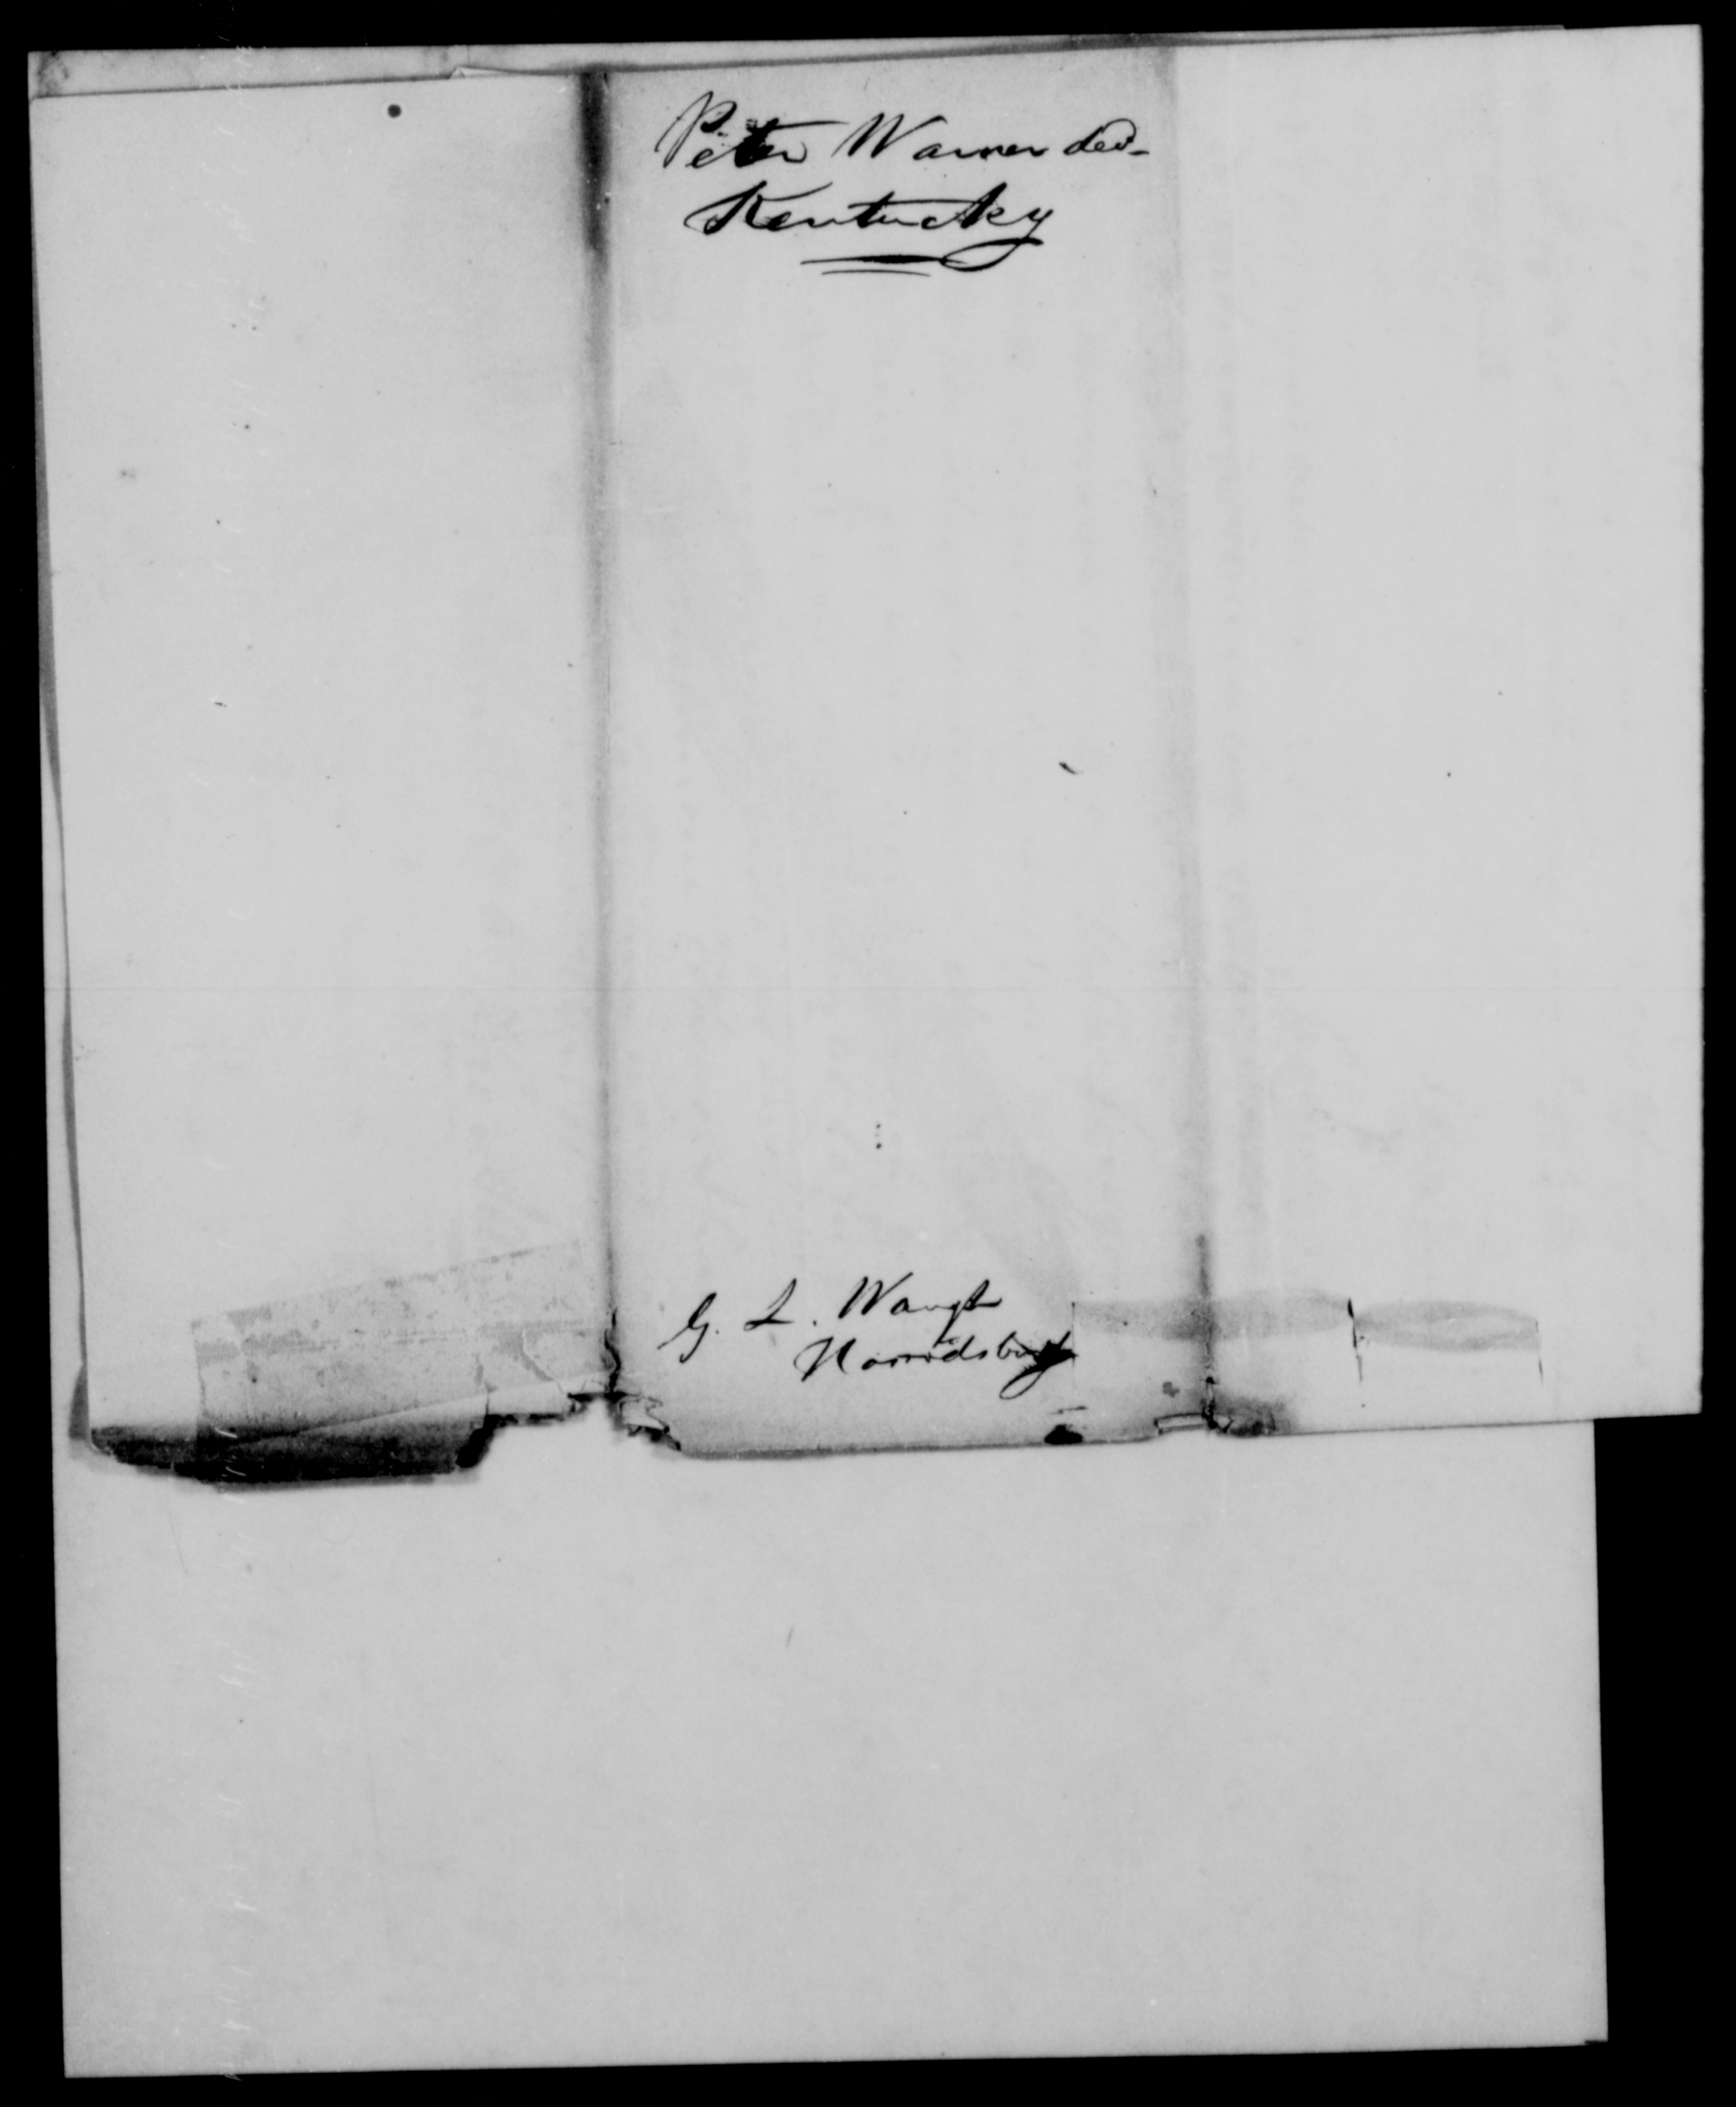Peter Warner decd
Kentucky

G.L. Waugh
Harrodsburg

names: G L Waugh, Peter Warner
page: 2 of 14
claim: rejected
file: R 11149, Peter Worner, Md.